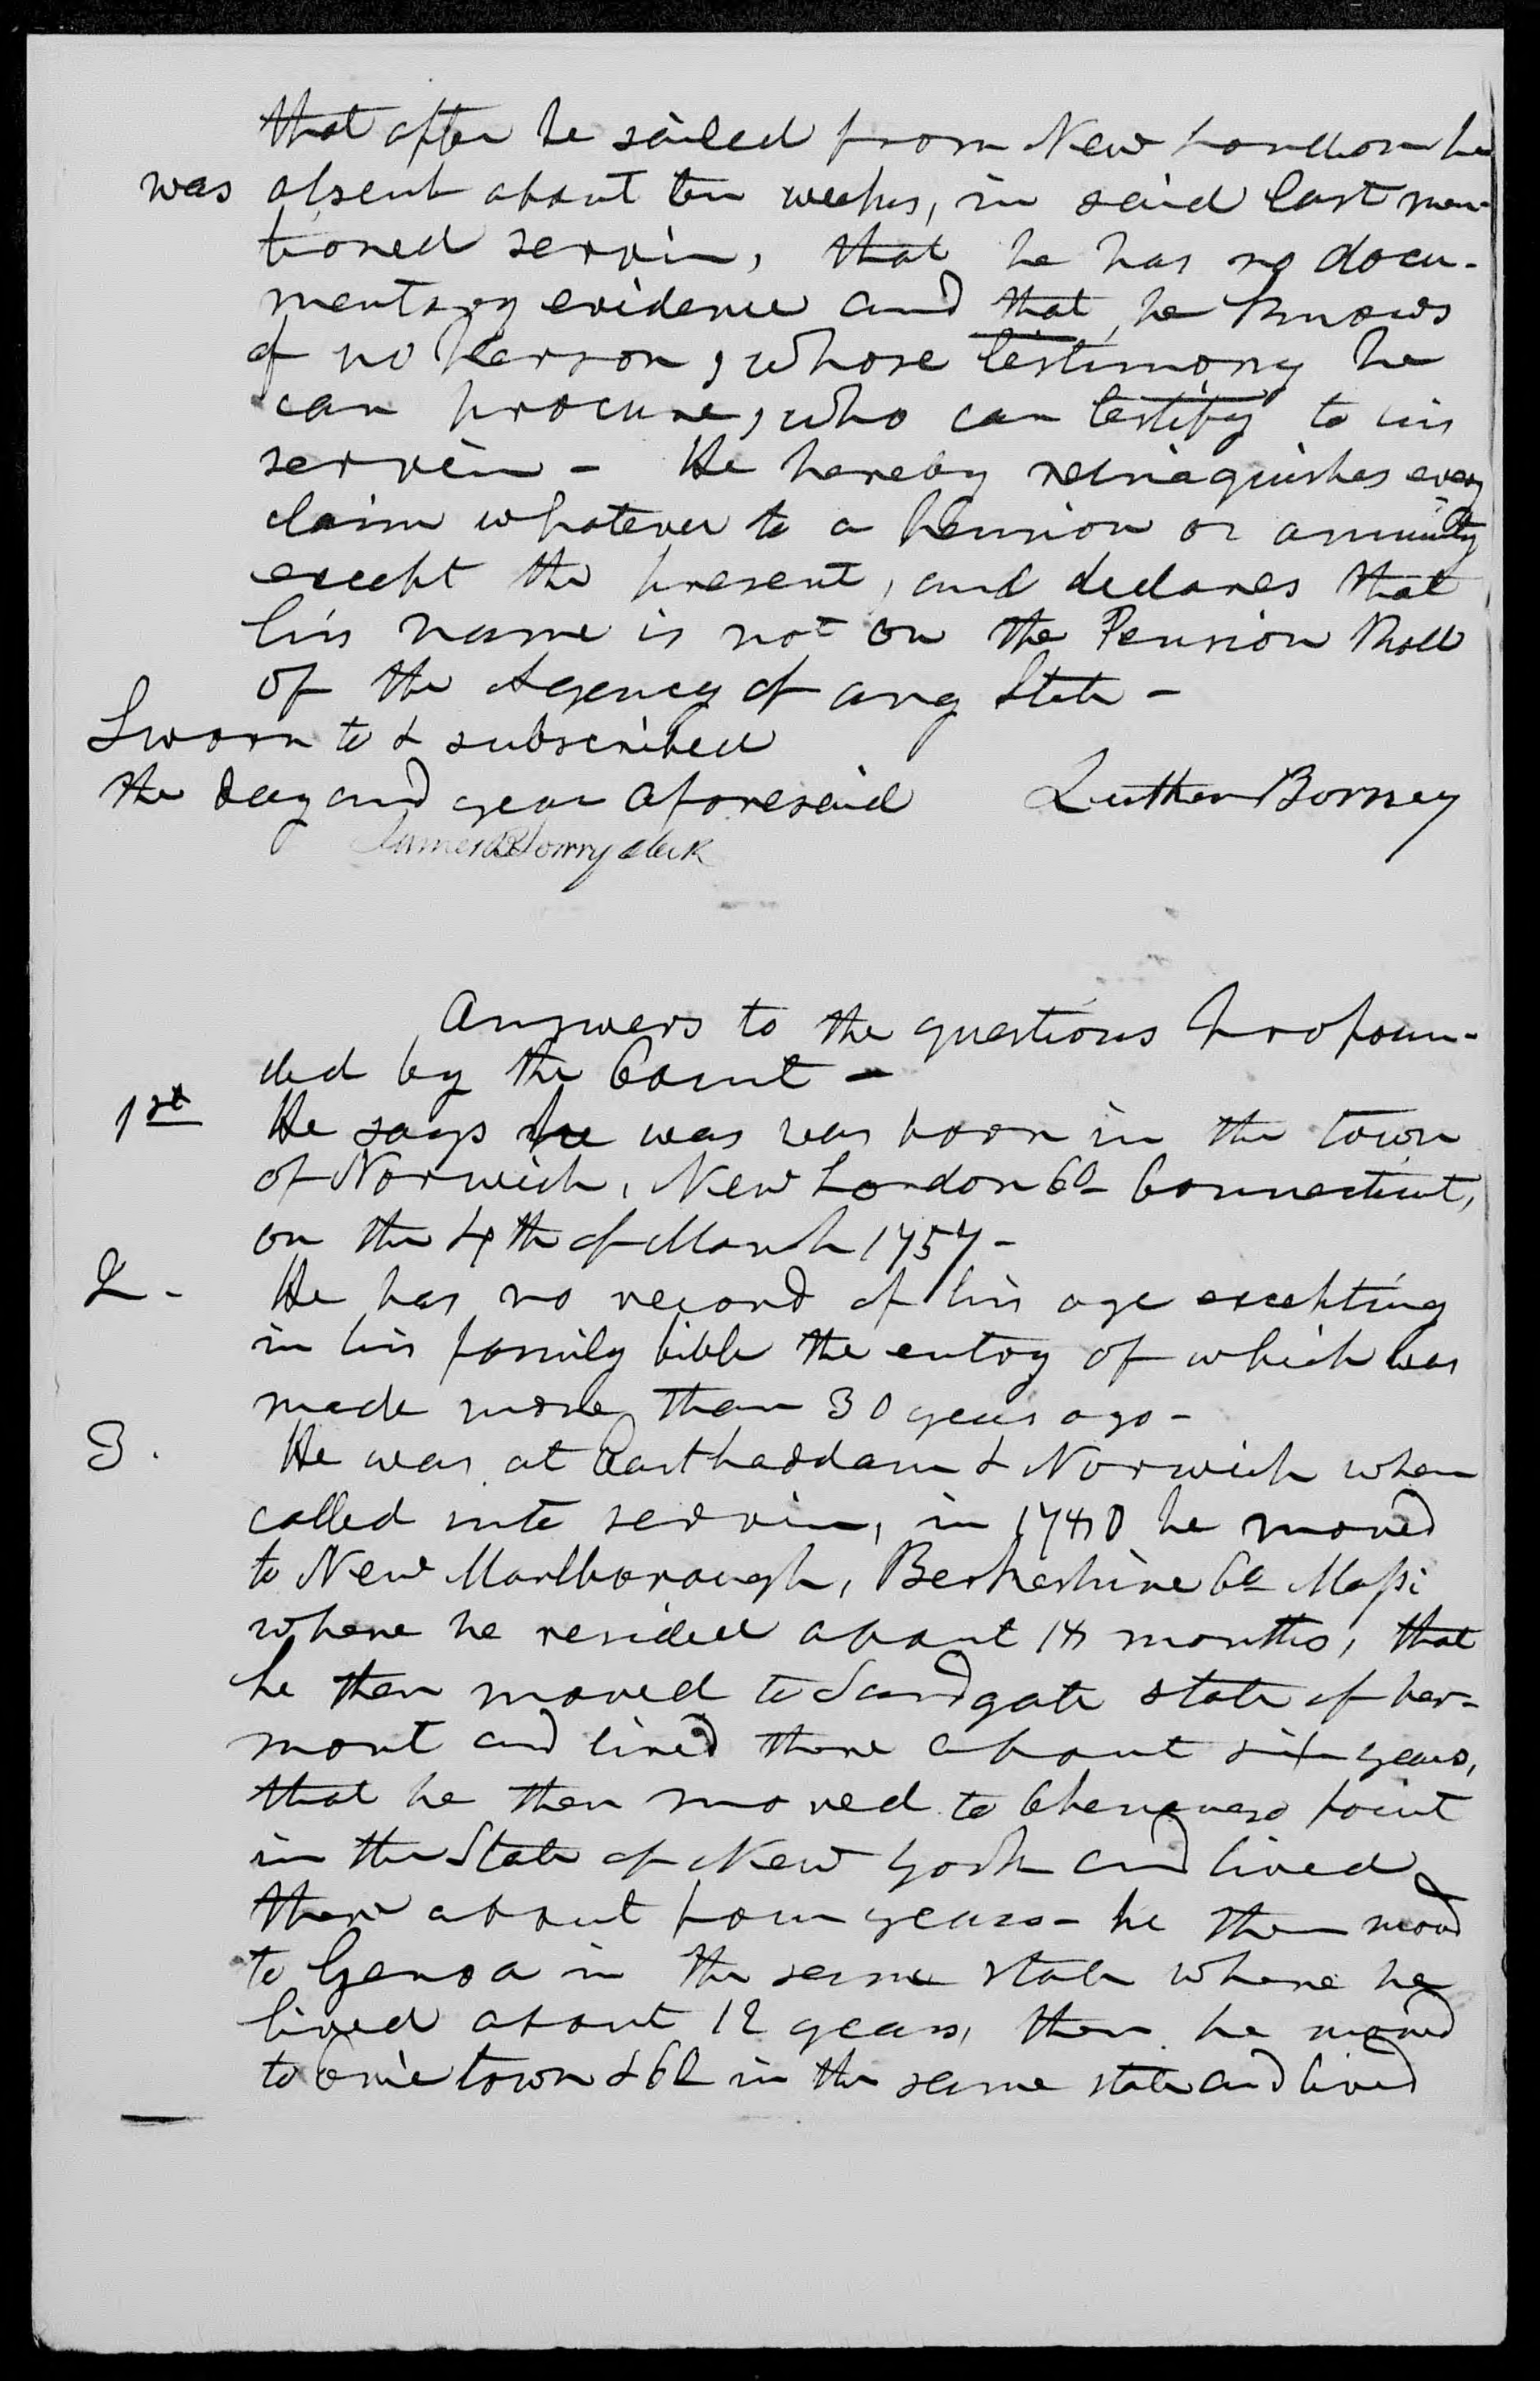that after he sailed from New London he was
absent about ten weeks, in said last mentioned service, that he has no documentary
evidence and that he knows
of no person whose testimony he
can procure, who can testify to his
service. He hereby relinquishes every
claim whatever to a pension or annuity
except the present, and declares that
his name is not on the Pension Roll
of the Agency of any State.
Sworn to & subscribed
the day and year aforesaid
Luther Barney
[illegible] [illegible] Clerk
Answers to the questions propounded
by the Court
1st He says he was was born in the town of
Norwich, New London Co Connecticut,
on the 4th of March 1757 -
2. He has no record of his age excepting
in his family bible the entry of which has
made more than 30 years ago - 
He was at East Haddam & Norwich when
called into service, in 1780 he moved to
New Marlborough, Berkshire Co. Mass
where he resided about 18 months, that
he then moved to Sandgate State of 
Vermont and lived there about six years
that he then moved to Chenango Point
in the State of New York I lived
there about four years-- he then moved to Genoa in the same state where he
lived about 12 years, then he moved
to Georgetown & Co. in the same state and lived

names: James B Lowry, Luther Barney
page: 7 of 61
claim: widow's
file: W. 4.124, Luther Barney, Conn. Privateer.